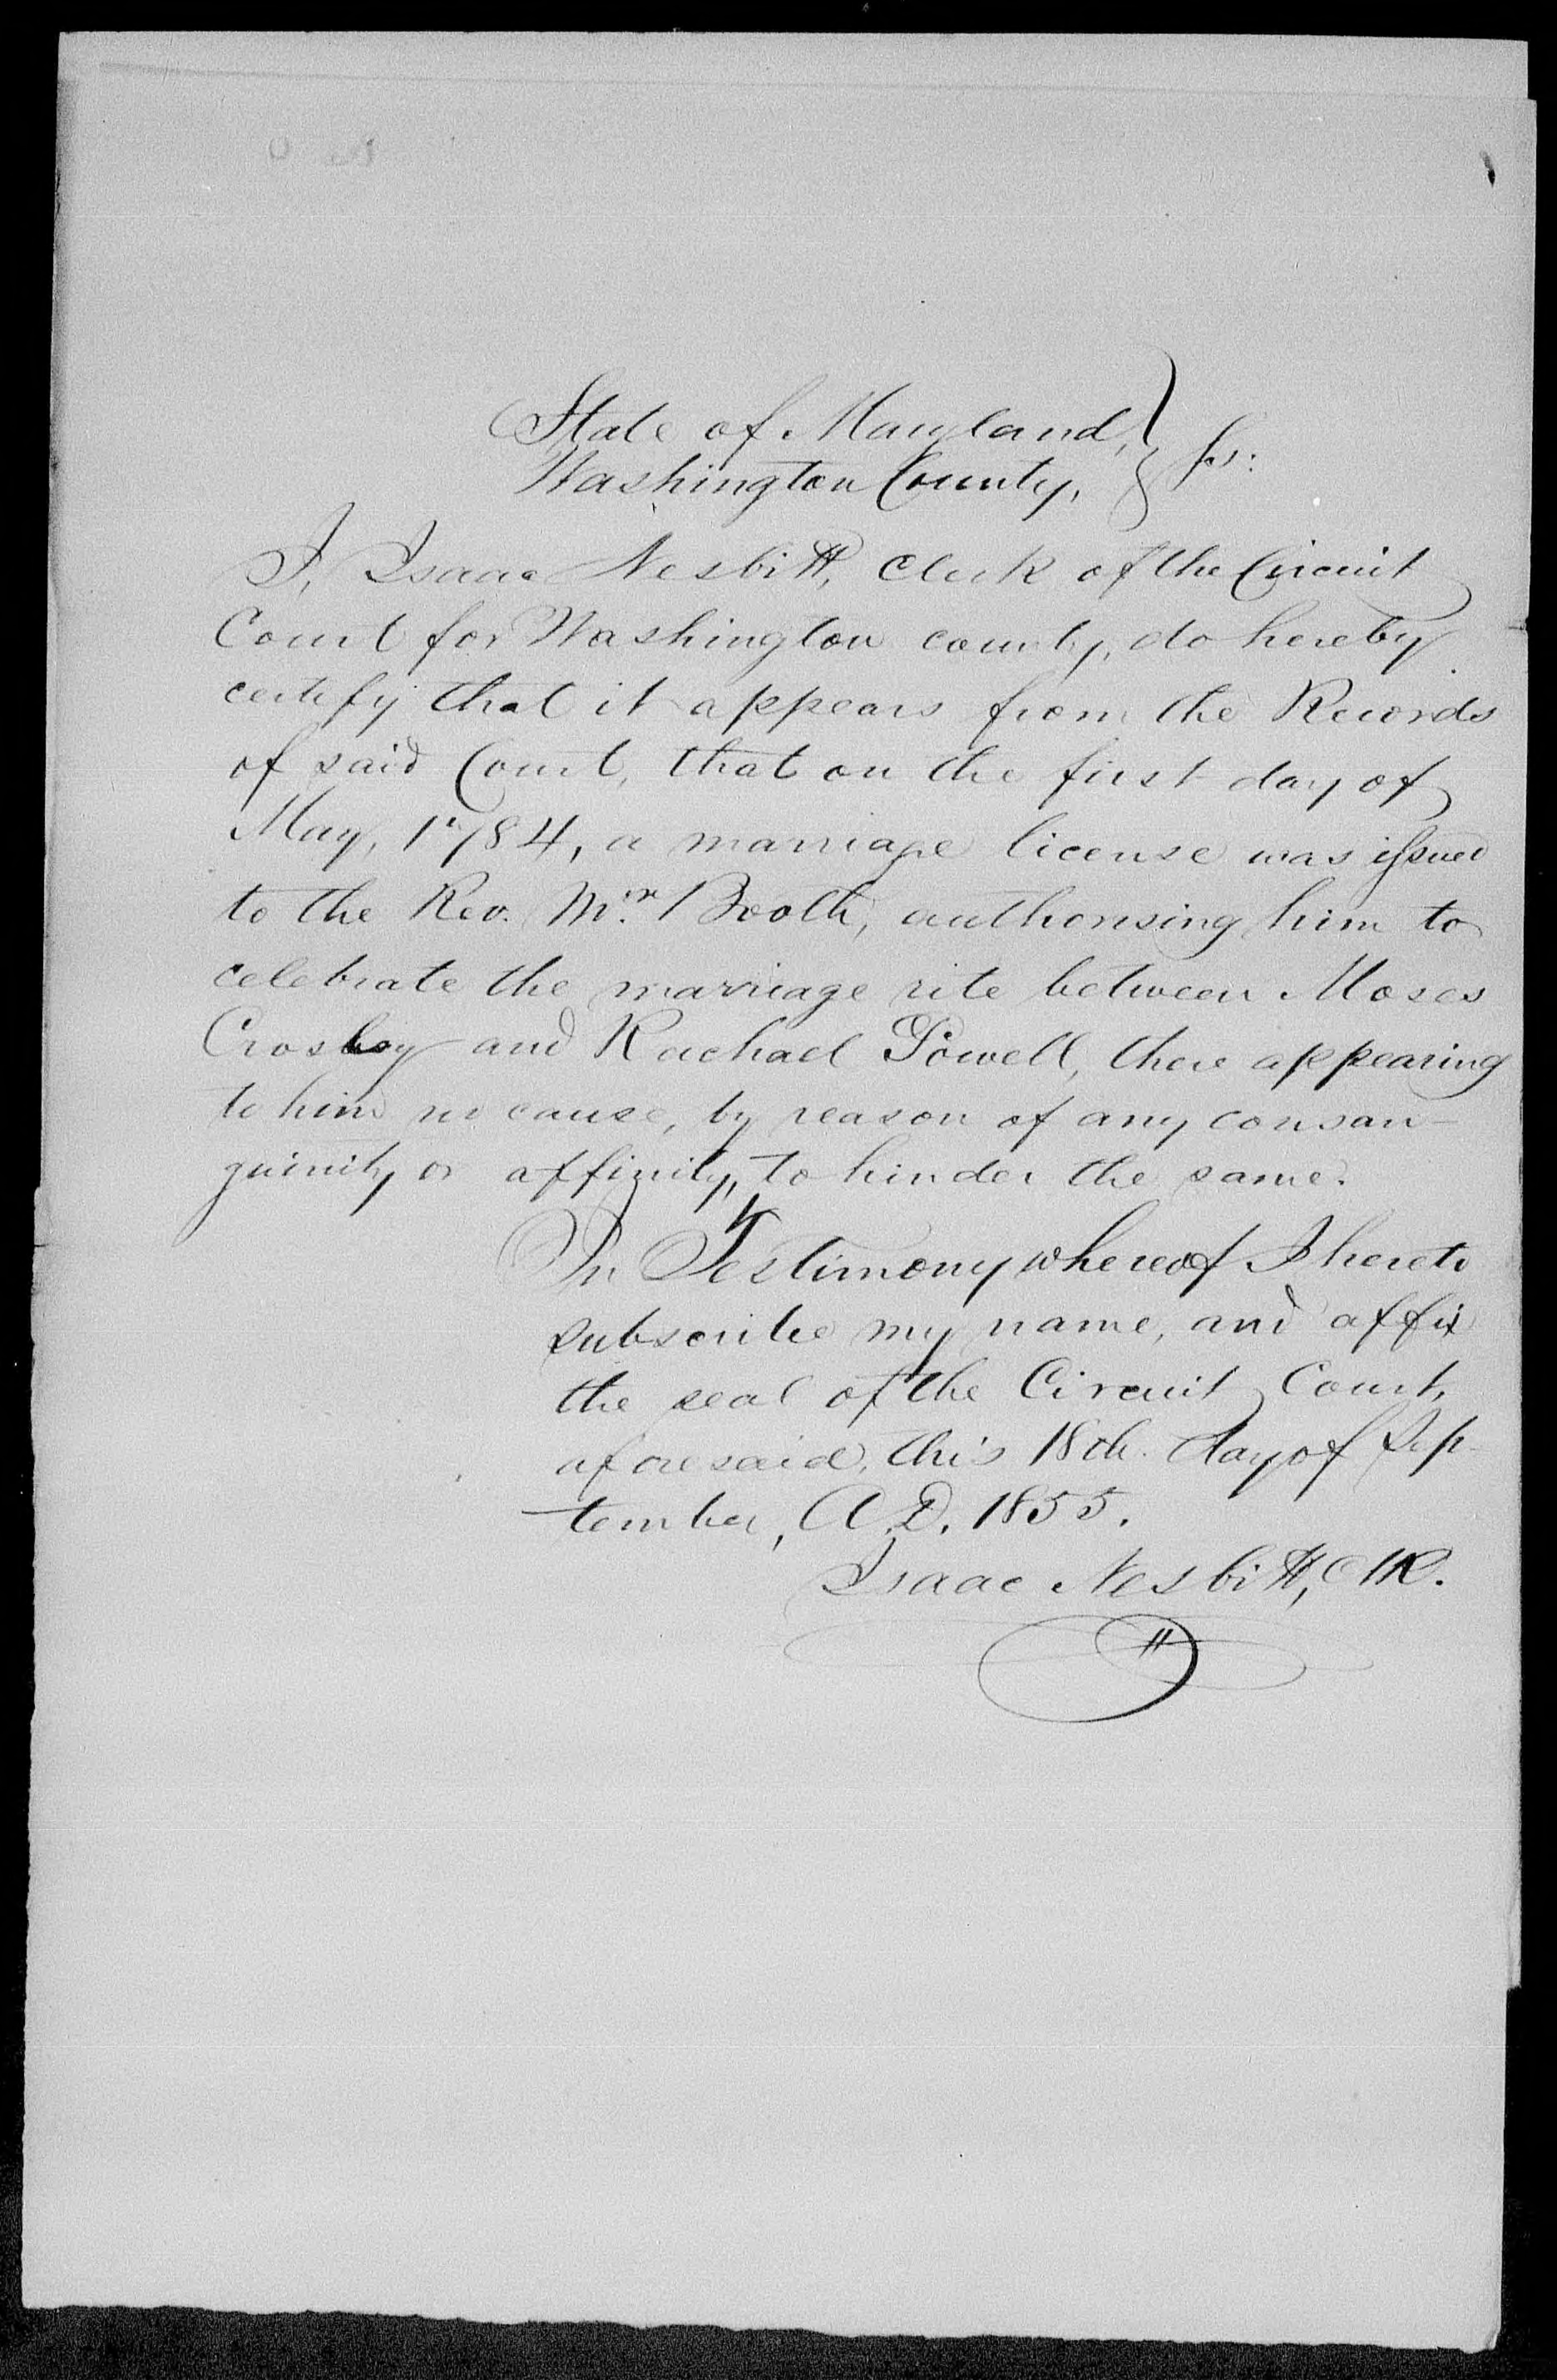State of Maryland
Washington County
I, Isaac Nesbitt Clerk of the circuit Court for Washington County, do hereby certify that it apperars from the Records of said Court, that on the first day of May 1784, a marriage license was issued to the Rev. M. Booth, authorized him to celebrate the marriage between Moses Crosby and Rachael Powell there appearing to him no cause by reason of any consanguinity or affinity to hinder the same.
In testimony whereof I hereto subscribe my name and affix the seas of the Circuit Court aforesaid this 18th day of September AD 1855.
Isaac Nesbitt, Clerk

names: Booth, Isaac Nesbitt, Rachael Powell, Isaac Nesbitt, Moses Crosley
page: 13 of 37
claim: rejected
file: R. 2516, Moses Crosley, Md.